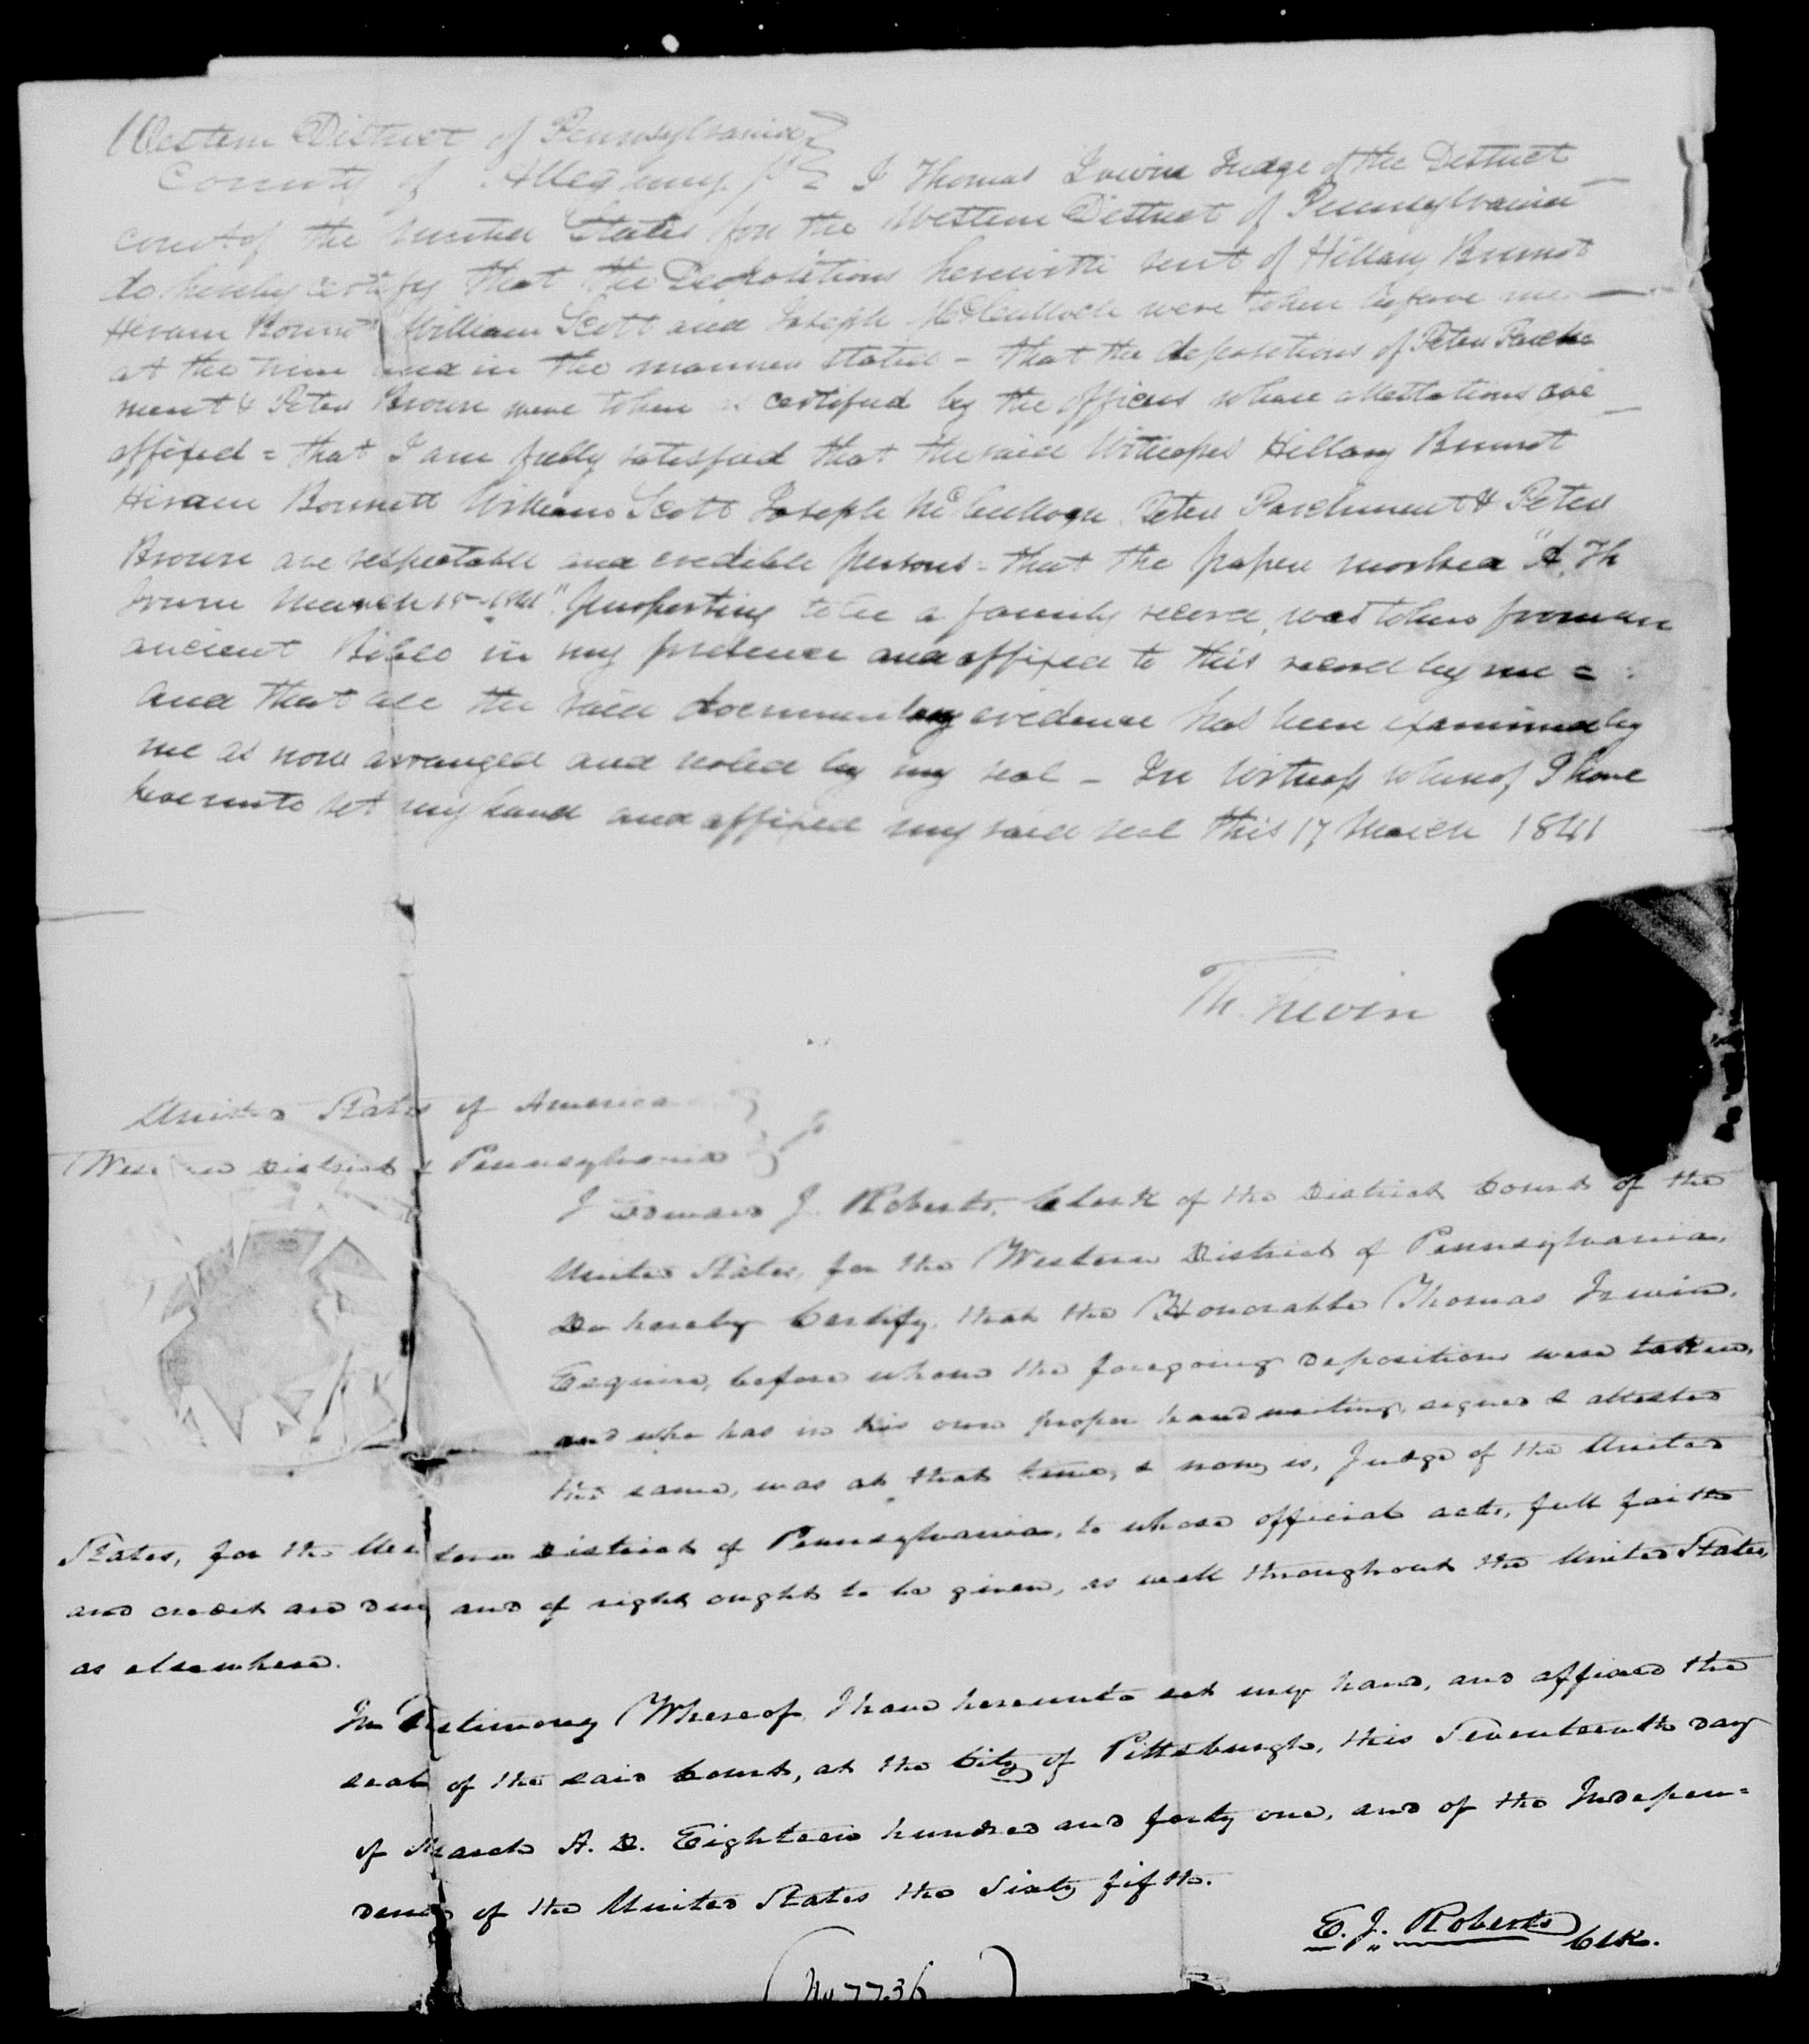Western District of Pennsylvania
County of Allegheny P      I Thomas Irwin Judge of the District court of the United States for the Western District of Pennsylvania do hereby certify that the Deposition herewith sent of Hillary Brunot Hiram Brown William Scott and Joseph McCollough were then before me at the time and in the manner stated - that the depositions of Peter [illegible] must be Peter Brown [illegible] then certified by the officers whose attestations are affixed = that I am fully satisfied that the [illegible] Hillary Brunot, Hiram Barnett William Scott Joseph McCullough Peter [illegible] Peter Brown are respectable and credible [illegible] - that the proper worker "A. Th Irwin March 19 1841" [illegible] told a family believed was then [illegible] ancient Bible in my presence and affixed to this [illegible] by me and that all the said documentary evidence has been examined by me as now arranged and sealed by my seal - In [illegible] I have [illegible] set my hand and affixed my said seal this 17 March 1841.  Th Irwin
United States of America
Western District of Pennsylvania I [illegible] J. Roberts Clerk of the District Court of the United States for the Western District of Pennsylvania Do hereby Certify that the Honorable Thomas Irwin Esquire before whom the foregoing deposition was taken and who has in his own proper handwriting signed & attested the same was at that time, & now is, Judge of the of the United States for the Western District of Pennsylvania, to whose official act [illegible] and order and [illegible] and of right ought to be given, as [illegible] throughout the United States as [illegible]. In Testimony Whereof I have [illegible] set my hand, and affixed the seal of the said Court at the City of Pittsburgh this Seventeenth day of March A.D. Eighteen hundred and forty one, and of the proper [illegible] of the United States the sixty fifth.   
E.J. Roberts Clk.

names: Thomas Irwin, William Scott, Hiram Brown, Hillary Brunot, E J Roberts, Thomas Irwin, Th Irwin, Peter Brown, Hillary Brunot, William Scott, Joseph Mc Culloch, Hiram Bonnett, Peter Pascke, Edward J Roberts, Peter Brown, Peter Parchment, Joseph Mc Culloch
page: 9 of 34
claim: rejected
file: R. 1371, Felix Brunot, Penn.